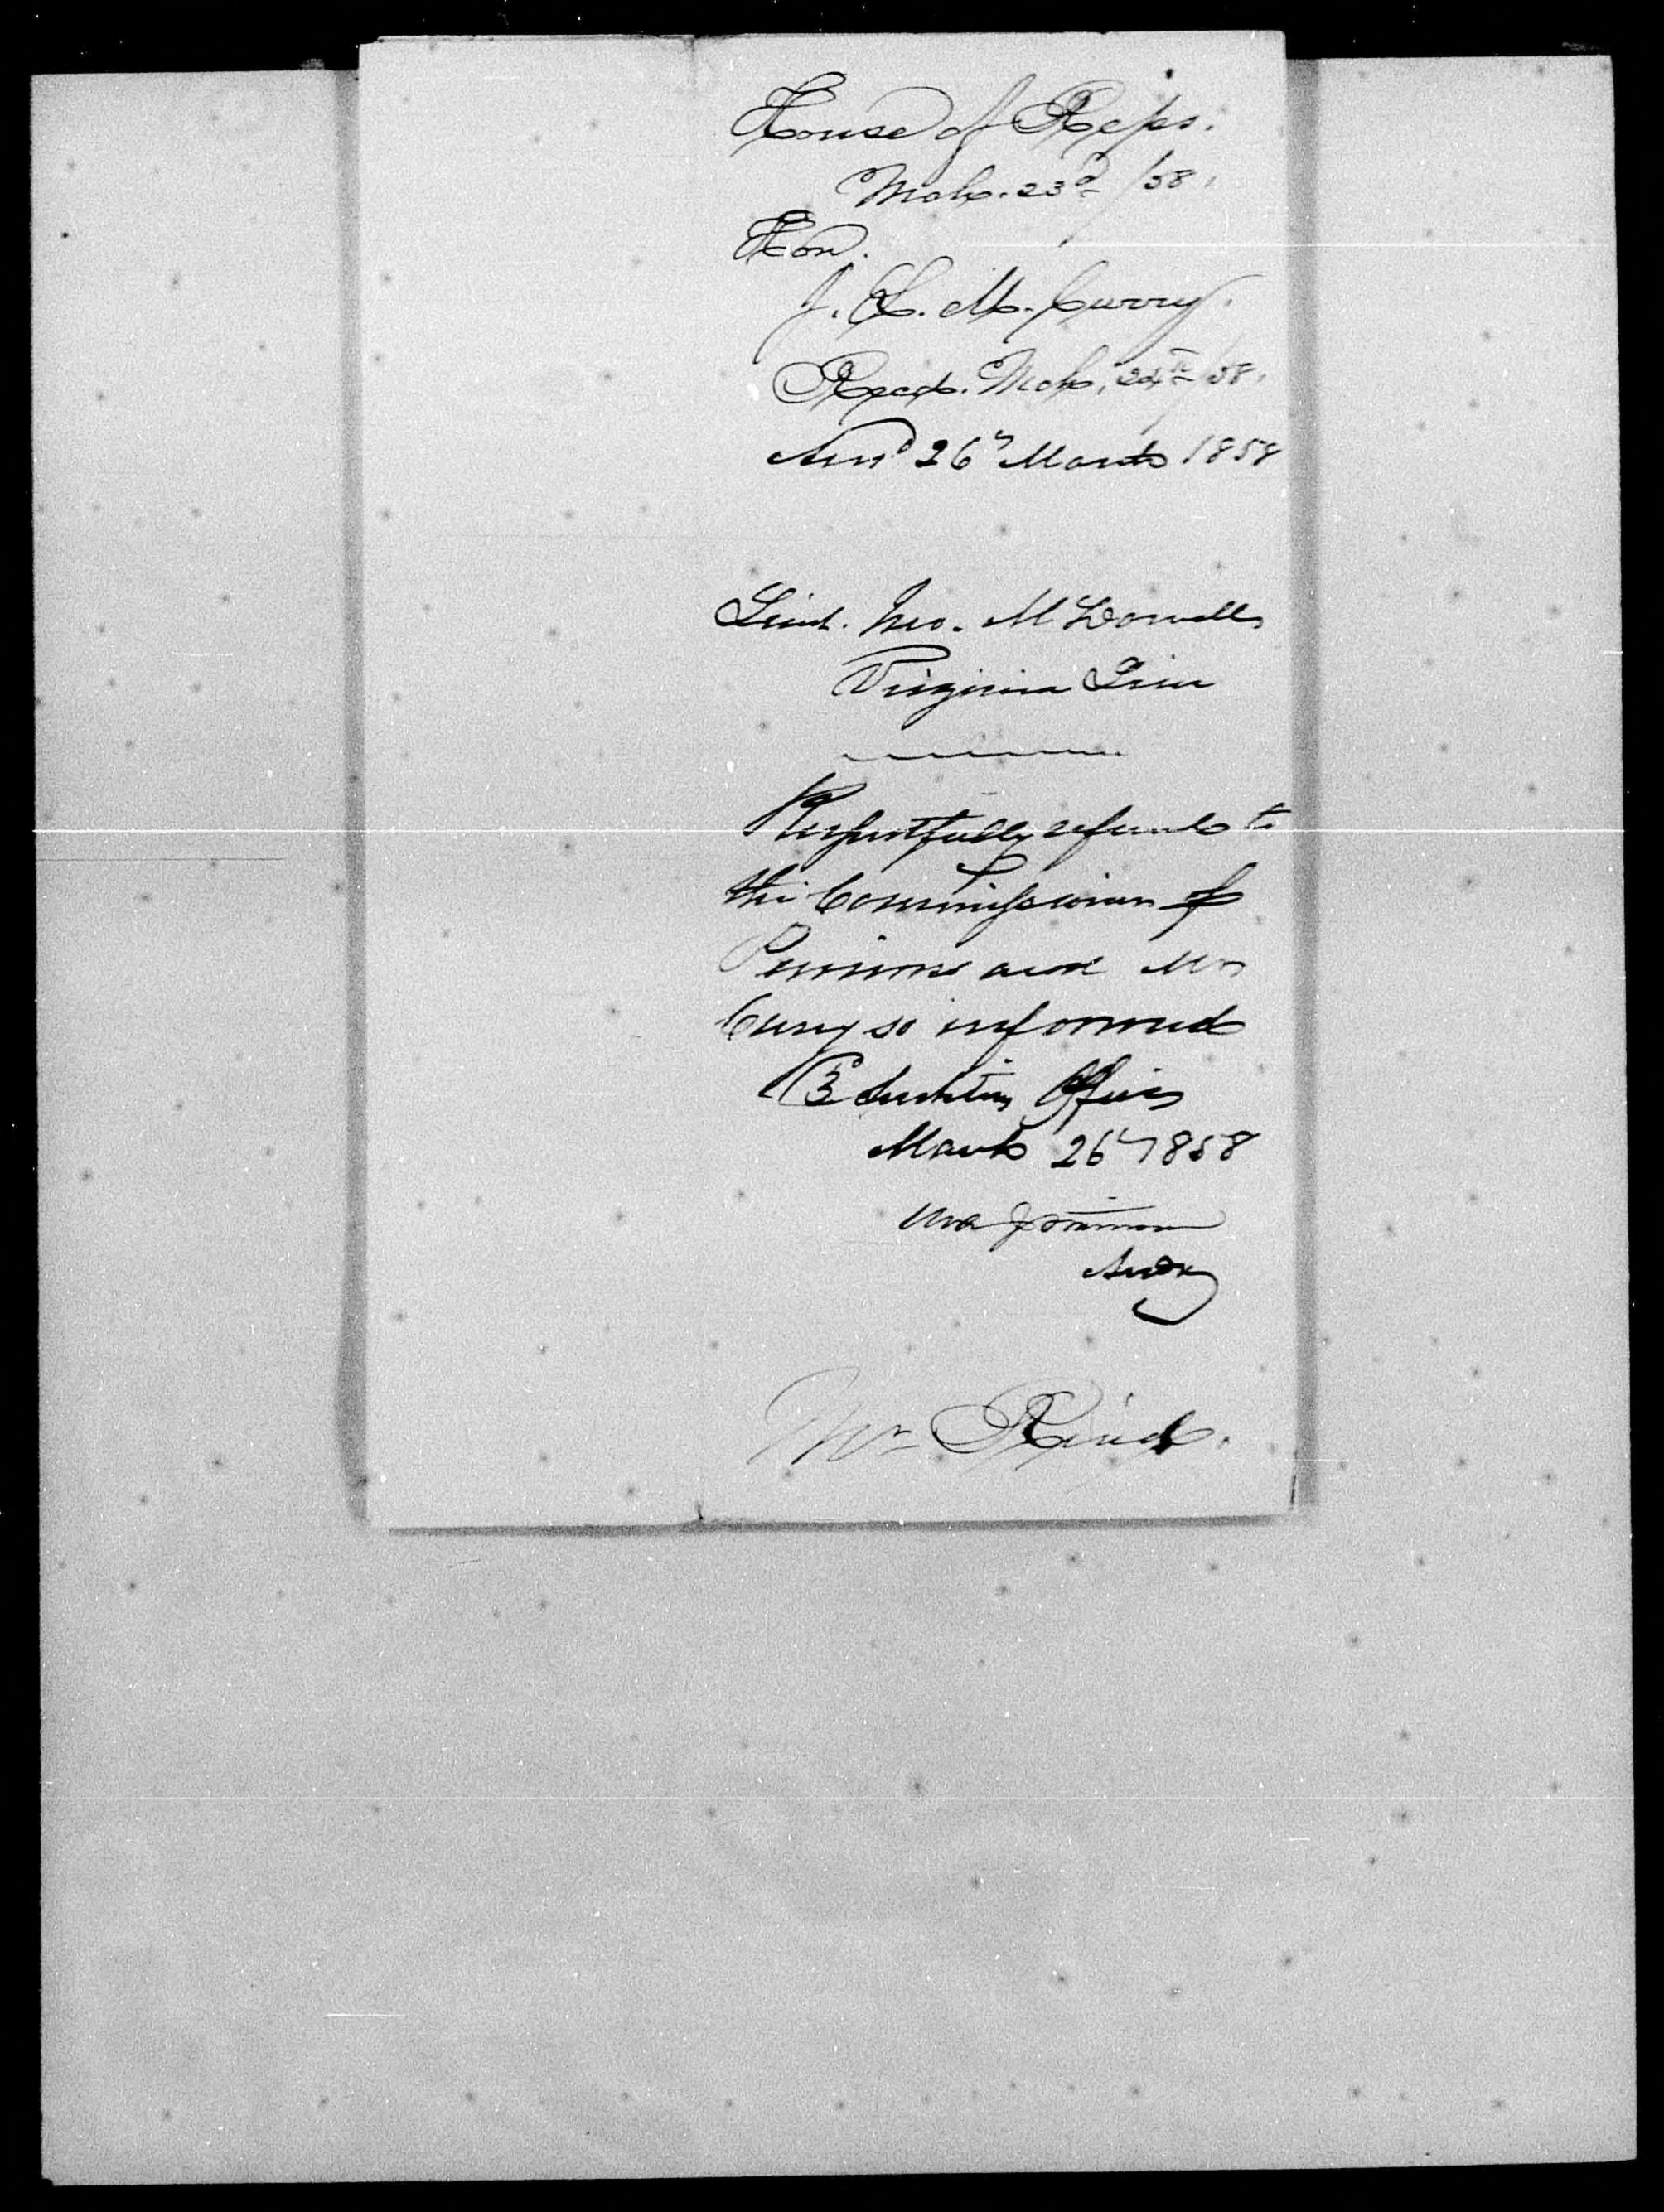House of Reps.
Mch. 23d/58
Hon.
J. L. M. Curry,
Recd. May 22th, 58
Aud 26th March 1858

Lieut. Jno. McDowells
Virginia Line
Respectfully referred to the Commissioner of Pensions and Mr Curry so informed 
3d Auditors Office
March 26 1858
Wid [illegible]
[illegible]
Mr Rind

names: Jno Mc Dowell; J S Mc Curry; [BLANK] Rind; Robt J Atkinson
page: 36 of 47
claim: survivor's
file: S. 30578, for John Mc Dowell, Virginia